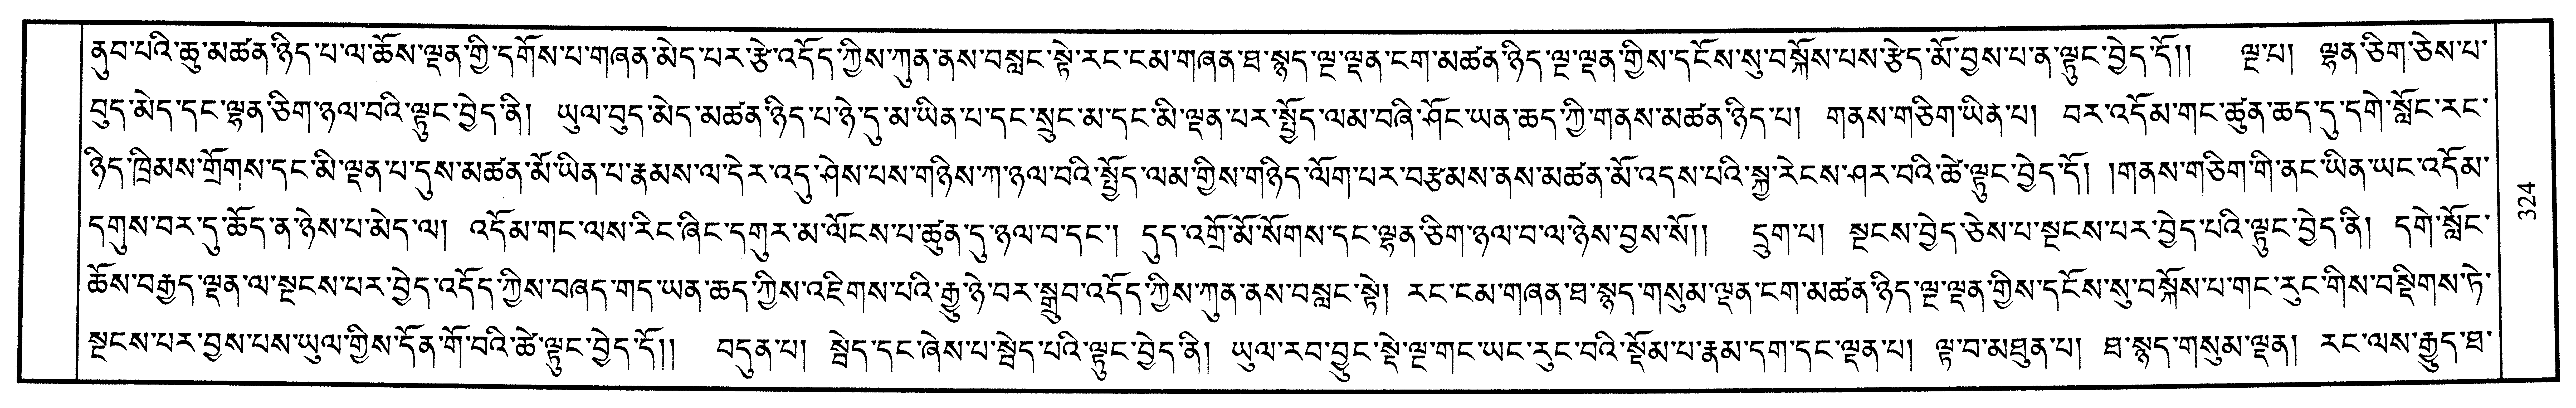ནུབ་པའི་ཆུ་མཚན་ཉིད་པ་ལ་ཆོས་ལྡན་གྱི་དགོས་པ་གཞན་མེད་པར་རྩེ་འདོད་ཀྱིས་ཀུན་ནས་བསླང་སྟེ་རང་ངམ་གཞན་ཐ་སྙད་ལྔ་ལྡན་ངག་མཚན་ཉིད་ལྔ་ལྡན་གྱིས་དངོས་སུ་བསྐོས་པས་རྩེད་མོ་བྱས་པ་ན་ལྟུང་བྱེད་དོ།། ལྔ་པ། ལྷན་ཅིག་ཅེས་པ་
བུད་མེད་དང་ལྷན་ཅིག་ཉལ་བའི་ལྟུང་བྱེད་ནི། ཡུལ་བུད་མེད་མཚན་ཉིད་པ་ཉེ་དུ་མ་ཡིན་པ་དང་སྲུང་མ་དང་མི་ལྡན་པར་སྤྱོད་ལམ་བཞི་ཤོང་ཡན་ཆད་ཀྱི་གནས་མཚན་ཉིད་པ། གནས་གཅིག་ཡིན་པ། བར་འདོམ་གང་ཚུན་ཆད་དུ་དགེ་སློང་རང་
ཉིད་ཁྲིམས་གྲོགས་དང་མི་ལྡན་པ་དུས་མཚན་མོ་ཡིན་པ་རྣམས་ལ་དེར་འདུ་ཤེས་པས་གཉིས་ཀ་ཉལ་བའི་སྤྱོད་ལམ་གྱིས་གཉིད་ལོག་པར་བརྩམས་ནས་མཚན་མོ་འདས་པའི་སྐྱ་རེངས་ཤར་བའི་ཚེ་ལྟུང་བྱེད་དོ། །གནས་གཅིག་གི་ནང་ཡིན་ཡང་འདོམ་
དགུས་བར་དུ་ཆོད་ན་ཉེས་པ་མེད་ལ། འདོམ་གང་ལས་རིང་ཞིང་དགུར་མ་ལོངས་པ་ཚུན་དུ་ཉལ་བ་དང་། དུད་འགྲོ་མོ་སོགས་དང་ལྷན་ཅིག་ཉལ་བ་ལ་ཉེས་བྱས་སོ།། དྲུག་པ། སྔངས་བྱེད་ཅེས་པ་སྔངས་པར་བྱེད་པའི་ལྟུང་བྱེད་ནི། དགེ་སློང་
ཆོས་བརྒྱད་ལྡན་ལ་སྔངས་པར་བྱེད་འདོད་ཀྱིས་བཞད་གད་ཡན་ཆད་ཀྱིས་འཇིགས་པའི་རྒྱུ་ཉེ་བར་སྒྲུབ་འདོད་ཀྱིས་ཀུན་ནས་བསླང་སྟེ། རང་ངམ་གཞན་ཐ་སྙད་གསུམ་ལྡན་ངག་མཚན་ཉིད་ལྔ་ལྡན་གྱིས་དངོས་སུ་བསྐོས་པ་གང་རུང་གིས་བསྡིགས་ཏེ་
སྔངས་པར་བྱས་པས་ཡུལ་གྱིས་དོན་གོ་བའི་ཚེ་ལྟུང་བྱེད་དོ།། བདུན་པ། སྦེད་དང་ཞེས་པ་སྦེད་པའི་ལྟུང་བྱེད་ནི། ཡུལ་རབ་བྱུང་སྡེ་ལྔ་གང་ཡང་རུང་བའི་སྡོམ་པ་རྣམ་དག་དང་ལྡན་པ། ལྟ་བ་མཐུན་པ། ཐ་སྙད་གསུམ་ལྡན། རང་ལས་རྒྱུད་ཐ་